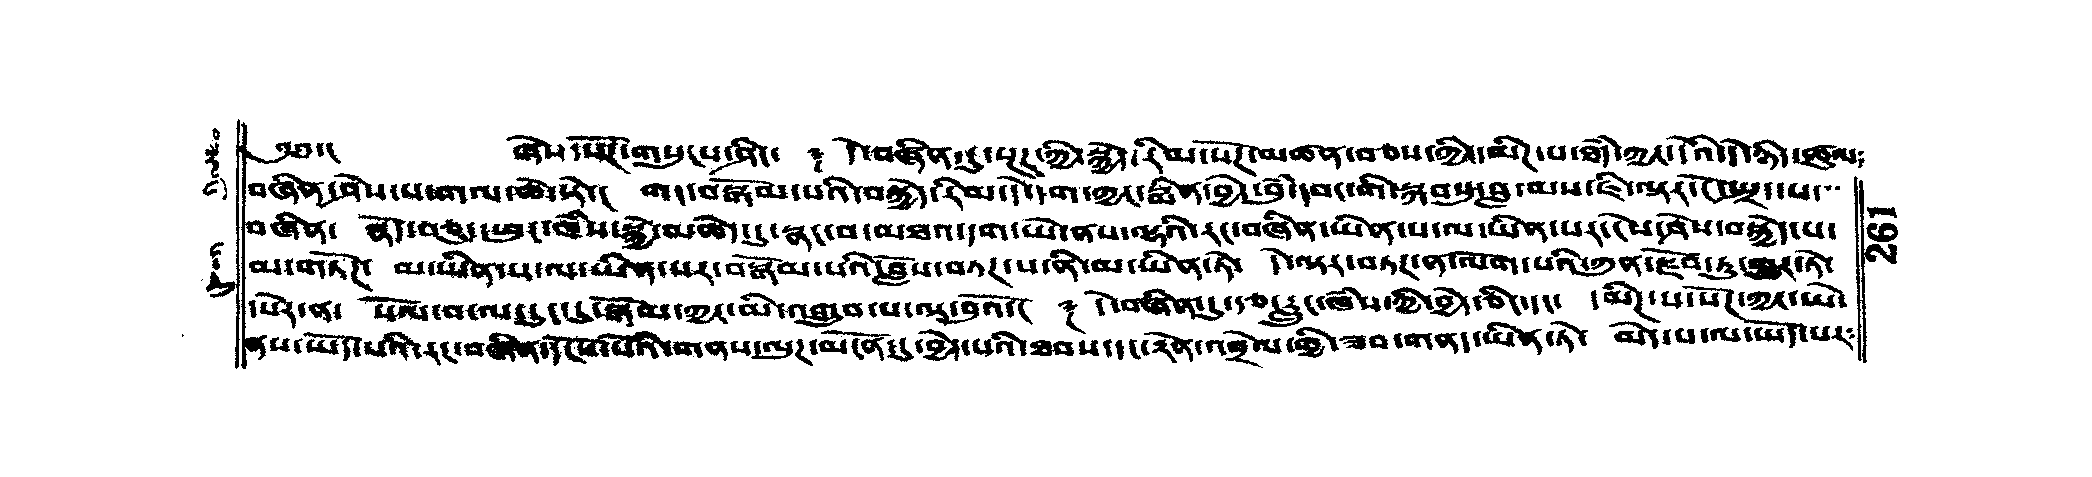ཞེས་སོགས་གསུངས་ཤིང་། དེ་བཞིན་དུ་སྔགས་ཀྱི་བསྐྱེད་རིམ་སོགས་མཚན་བཅས་ཀྱི་དམིགས་པ་ཐམས་ཅད་ཀྱང་དེའི་དེ་ཉིད་ཚུལ་
བཞིན་ཤེས་པ་གལ་ཆེ་སྟེ། གང་བསྒོམ་པའི་བསྐྱེད་རིམ་དེ་དག་ཀྱང་སྨིན་བྱེད་བུམ་དབང་གི་སྐབས་སུ་བླ་མས་ཇི་ལྟར་ངོ་སྤྲད་པ་
བཞིན། སྣོད་བཅུད་ཕུང་ཁམས་སྐྱེ་མཆེད་དུ་སྣང་བ་མཐའ་དག་ཡེ་ནས་ལྷའི་རང་བཞིན་ཡིན་པ་ལ་ཡིན་པར་ངེས་ཤེས་བསྐྱེད་པ་
མ་གཏོགས་མ་ཡིན་པ་ལ་ཡིན་པར་བསྒོམ་པའི་བློས་བཏགས་པ་ནི་མ་ཡིན་ཏེ། དེ་ལྟར་བཏགས་ན་ལོག་པའི་ཀུན་རྫོབ་ཏུ་གྱུར་ཏེ། 
དཔེར་ན། སོལ་བ་ལ་དུང་དུ་སྒོམ་ཀྱང་མི་འགྲུབ་པ་ལྟ་བུའོ། དེ་བཞིན་དུ་རྩ་རླུང་ཁམས་ཀྱི་བྱེད་ཅིང་དང་། དམིགས་པ་སོགས་ཀྱང་ཡེ་
ནས་ཡོད་པའི་རང་བཞིན་དངོས་པོའི་གནས་ལུགས་མངོན་དུ་བྱེད་པའི་ཐབས་དང་རྟེན་འབྲེལ་གྱི་ཟབ་གནད་ཡིན་ཏེ། མེད་པ་ལ་ཡོད་པར་